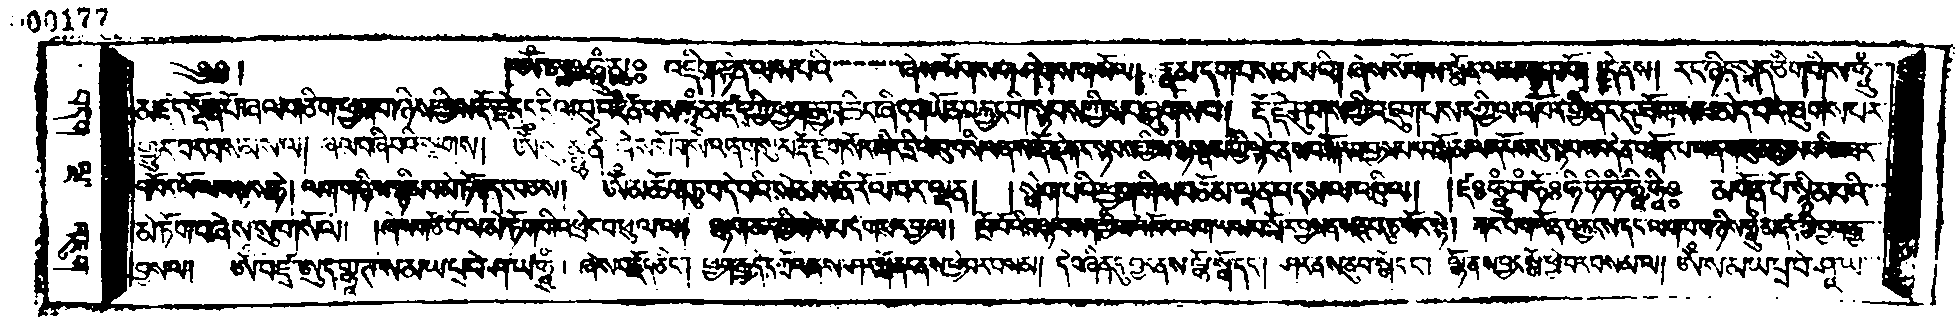༄༅། །ཨོཾ་ཨཱཿ ཧཱུཾ་མུཿ འཇིག་རྟེན་ལས་པའི་ཞེས་སོགས་གཤེགས་གསོལ། རྣམ་དག་བསམ་པའི། ཞེས་སོགས་སྨོན་ལམ་གདབ་བོ། །དེ་ནས། རང་ཉིད་སྐད་ཅིག་གིས་ཧཱུཾ་
མཛད་སྔོན་པོ་ཞལ་གཅིག་ཕྱག་གཉིས་ཀྱིས་རྡོ་རྗེ་དང་དྲིལ་བུ་འཛིན་པས་ཧཱུཾ་མཛད་ཀྱི་ཕྱག་རྒྱ་འཆིང་ཞིང་གཡོན་བརྐྱང་གི་སྟབས་ཀྱིས་བཞུགས་པ། རྡོ་རྗེ་ཤུགས་ཀྱི་འཇུག་པས་དཀྱིལ་འཁོར་གྱི་ནང་དུ་ཐོགས་པ་མེད་པར་ཞུགས་པར་
གྱུར་བར་བསམས་ལ། ཞལ་བཞི་པའི་སྔགས། ཨོཾ་སུ་མྦྷ་ནི་ཞེས་སོགས་ལན་གསུམ་རྡོ་རྗེ་གསོང་ཞིང་དྲི་ལ་བུ་བསིལ་ནས་རྡོ་རྗེ་རྐང་སྟབས་ཀྱིས་ལྷ་སྣམ་གྱི་སྟེང་ནས་བསྐོར་བ་བྱས་པར་བསྒོམ་ལ་དངོས་སུ་སྟབས་བདེན་བསྐོར་པ་ལན་གསུམ་བྱས་པའི་མཐར་
འཁོར་ལོ་ལ་བལྟས་ཏེ། ལག་གཉིས་སྙིམ་པ་མེ་ཏོག་དང་བཅས། ཨོཾ་མཆོག་ཏུ་བདེ་བའི་སེམས་ནི་རོལ་བར་ལྡན། །སྒེག་པའི་ཕྱག་གིས་བཅོམ་ལྡན་འདས་ལ་འཁྲིལ། །ཛཿ ཧཱུཾ་བཾ་ཧོཿ ཧི་ཧི་ཧི་ཧཱི་ཧཱིཿ མགོན་པོ་སྙིམ་པའི་
མེ་ཏོག་བཞེས་སུ་གསོལ། །ཞེས་གཙོ་བོ་ལ་མེ་ཏོག་གི་འཕྲེང་བ་ཕུལ་ལ། ལྷག་ཆད་ཀྱི་ཉེས་པ་དག་པར་བྱ་ལ། ཁྲོ་བོའི་བལྟ་བས་དཀྱིལ་འཁོར་ལ་གཡས་བསྐོར་བྱས་ནས་ནུབ་ཏུ་སོང་སྟེ། རྐང་པ་གཡོན་བརྐྱངས་དང་ལག་པ་གཉིས་ཧཱུཾ་མཛད་ཀྱི་ཕྱག་རྒྱ་
བྱས་ལ། ཨོཾ་བཛྲ་ཨུད་གྷཱ་ཊ་ས་མ་ཡ་པྲ་བེ་ཤ་ཡ་ཧཱུཾ། ཞེས་བརྗོད་ཅིང་། ཕྱག་རྒྱ་དེ་དཀྲོལ་ནས་ཤར་སྒོ་ནང་ནས་ཕྱེ་བར་བསམ། དེ་བཞིན་དུ་བྱང་ནས་ལྷོ་སྒོ་དང་། ཤར་ནས་ནུབ་སྒོ་དང་། ལྷོ་ནས་བྱང་སྒོ་ཕྱེ་བར་བསམ་ལ།  ཨོཾ་ས་མ་ཡ་པྲ་བེ་ཤཱ་ཡ་